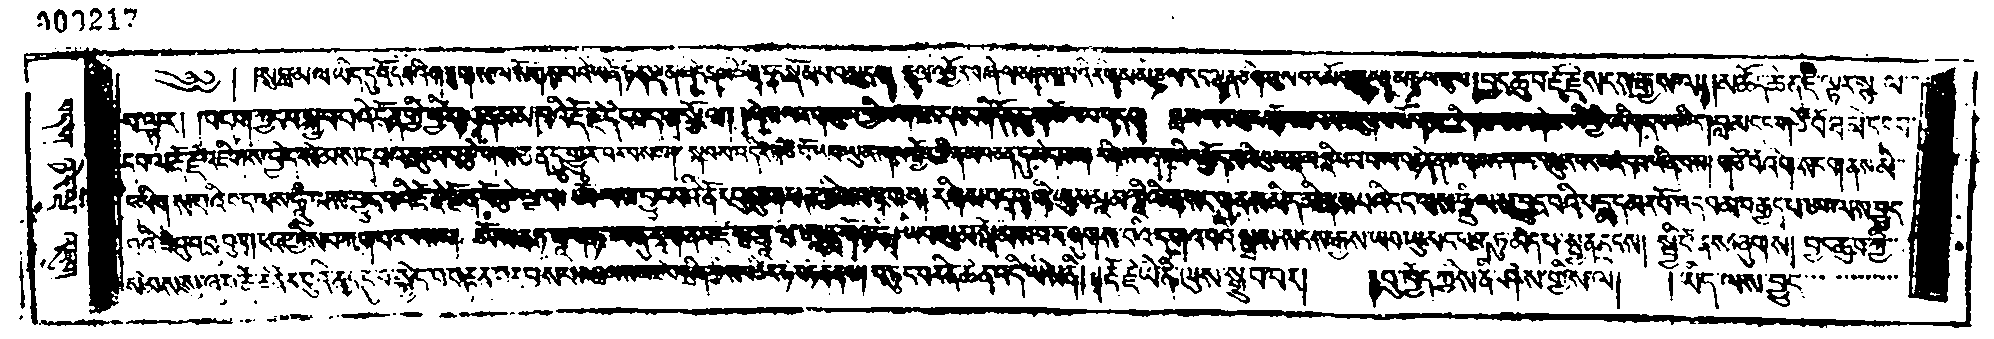༄༅། །སུ་བླ་མ་ལ་ཡིད་དུ་འོང་བའི་གཟུགས་ལ་སོགས་པའི་ཡོན་ཏན་ལྡན་ཞིང་དམ་ཚིག་དང་སྡོམ་པ་བསྲུང་བ། རྣལ་འབྱོར་བཞི་ལ་མཁས་པའི་རིག་མ་མཎྜལ་ངང་ལྷན་ཅིག་ཕུལ་བར་མོས་ནས། མཎྜལ་ཕུལ། བྱང་ཆུབ་རྡོ་རྗེ་སངས་རྒྱས་ལ། །མཆོད་ཆེན་ཇི་ལྟར་སྩལ་
བ་ལྟར། །བདག་ཀྱང་བ་སྐྱབ་པའི་དོན་གྱི་ཕྱིར། །ནམ་མཁའི་རྡོ་རྗེ་དེང་བདག་སྩོལ། ། ཞེས་ལན་གསུམ་གྱིས་གསང་དབང་གི་དོན་དུ་གསོལ་བ་གདབ། བླ་མ་ཡབ་ཡུམ་སྙོམས་པར་འཇུག་པ་སོགས་ཀྱི་གསང་བ་འགེབ་པའི་ཕྱིར་མིག་དར་འཆིང་།  བླ་མ་དང་གཙོ་བོ་ཐ་མི་དད་པ་
དཔལ་རྡོ་རྗེ་འཇིགས་བྱེད་སེམས་དཔའ་སུམ་བརྩེགས་ཅན་དུ་གྱུར་བར་བསམ། སྐབས་འདིར་གཙོ་བོ་ཡབ་ཡུམ་ཞལ་སྦྱོར་གྱི་རྣམ་པ་ཅན་དུ་མེད་པས། རིགས་བདག་མི་བསྐྱོད་པའི་ཡུམ་མཱ་མཀྵི་བབ་པ་ལ་བརྟེན་ནས་གསང་དབང་བསྐུར་བར་མཛད་པ་ཡིན་པས། གཙོ་བོའི་གསང་གནས་མི
དམིགས་པའི་ངང་ལས་ཧཱུཾ་ལས་བྱུང་བའི་རྡོ་རྗེ་སྔོན་པོ་རྩེ་ལྔ་པ། ཨོཾ་ལས་བྱུང་བའི་ནོར་བུ་བུ་ག་ཕཊ་ཀྱིས་བཀག་པ། རིགས་བདག་གི་ཡུམ་མཱ་མ་ཀཱིའི་གསང་གནས་མི་དམིགས་པའི་ངང་ལས་ཧཱུཾ་ལས་བྱུང་བའི་པདམ་དམར་པོ་འདབ་མ་བརྒྱད་པ་ཨ་ལས་བྱུང་
བའི་ཟེའུ་འབྲུ་བུ་ག་ཕཊ་ཀྱིས་བཀག་བར་བསམ།  ཨོཾ་སརྦ་ཏ་ཐཱ་ག་ཏ་ཨ་ནུ་རཱག་ན་བཛྲ་སྦ་བྷཱ་ཝ་ཨཱཏྨ་ཀོཉྷཾ། ཡབ་ཡུམ་སྙོམས་པར་ཞུགས་པའི་དགའ་བའི་སྒྲས་སངས་རྒྱས་ཡབ་ཡུམ་དཔག་ཏུ་མེད་པ་སྤྱན་དྲངས། སྤྱི་བོ་ནས་ཞུགས། བྱང་ཆུབ་ཀྱི་
སེམས་སུ་ཞུ་བ་རྡོ་རྗེ་ནོར་བུའི་ནང་དུ་བསྐྱེད་པ་བརྟན་པར་བྱས་པ། བླ་མས་མཐེབ་སྲིན་གྱིས་བཙིར་ཏེ་བཏོན་ནས། བཏུང་བ་རིན་ཆེན་འདི་ཡིས་ནི།  རྡོ་རྗེ་ཡི་ནི་ལུས་སྒྲུབ་བར། །བུ་ཁྱོད་ཀྱིས་ནི་ཤེས་གྱིས་ལ། །ཡིད་ལས་བྱུང་